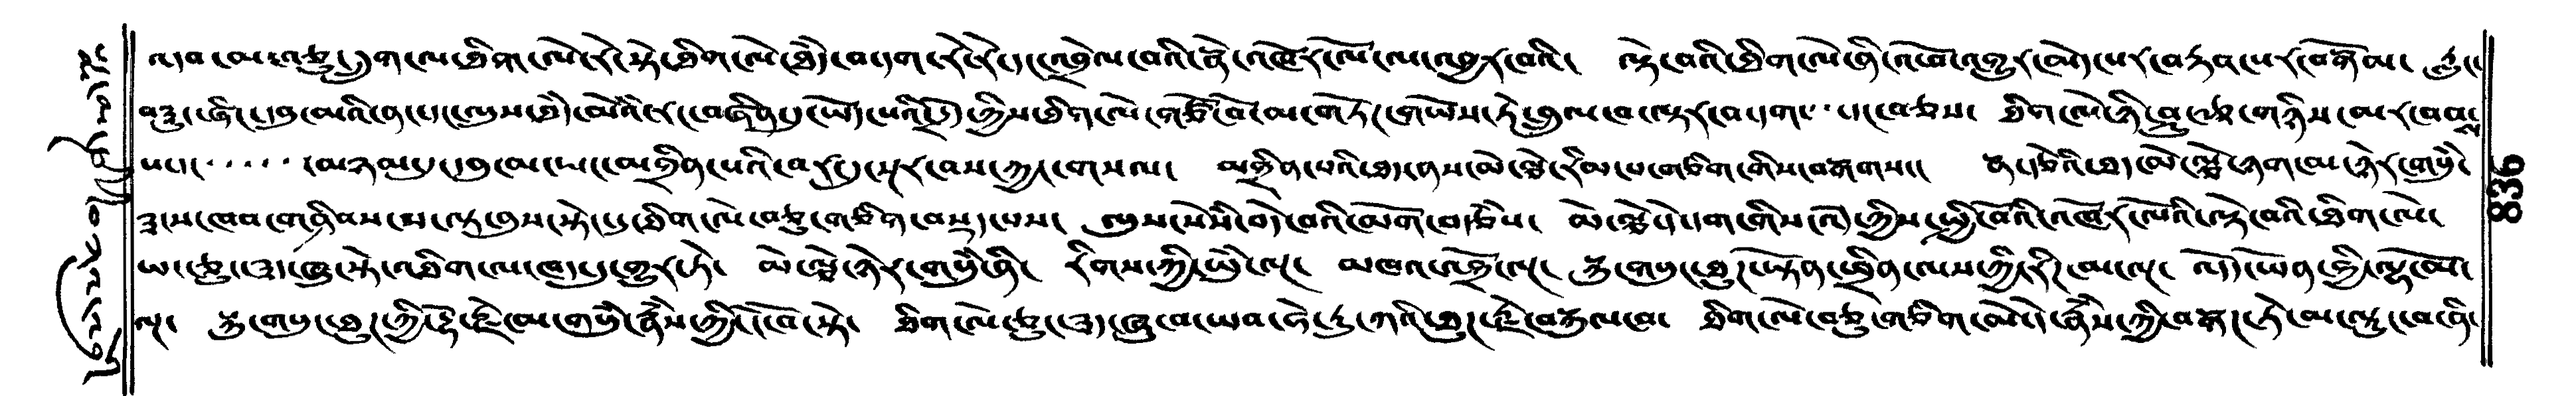འདབ་མ་བཅུ་དྲུག་ལ་ཐིག་ལེ་རེ་སྟེ་ཐིག་ལེ་ཐམས་ཅད་བ་དག་རེ་རེ་དང་འབྲེལ་བའི་སྣེ་འཁོར་ལོ་ལ་འབྱར་བའི། ལྟེ་བའི་ཐིག་ལེ་ནི་འཕོ་འགྱུར་མེད་པར་བརྟན་པར་བསྒོམ། རླུང་
བཟུང་ཞིང་དབུ་མའི་ནང་དང་ལུས་ཐམས་ཅད་མེའི་རང་བཞིན་དུ་ཡོད་པའི་དྲོད་ཀྱིས་ཐིག་ལེ་གཙོ་བོ་མ་གཏོགས་གཡོས་ཏེ་བྲུལ་བ་ལྟར་བ་དག་པ་དང་བཅས། ཐིག་ལེ་ཉི་ཤུ་རྩ་གཉིས་མར་བབས་
པ་དང་། མཉམ་དུ་དབུ་མ་ཡང་མགྲིན་པའི་བར་དུ་སྔར་བས་ཀྱང་གསལ། མགྲིན་པའི་ཐད་ནས་མེ་ལྕེ་རིམ་པ་གཅིག་གིས་བསྒགས། སྣ་རྩེའི་ཐད་མེ་ལྕེ་ཉག་མ་ཉེར་གསུམ་
ཟངས་ཁབ་གཤིབས་པ་ལྟ་བུའི་སྟེང་དུ་ཐིག་ལེ་བཅུ་གཅིག་བསྡད་པས། ལུས་སེམས་བདེ་བའི་འགོ་བརྩམས། མེ་ལྕེ་དེ་དག་གིས་འོད་ཀྱིས་སྤྱི་བོའི་འཁོར་ལོའི་ལྟེ་བའི་ཐིག་ལེ་
ཡང་ཅུང་ཟད་ཞུ་སྟེ་འཐིག་ལ་ཁད་དུ་གྱུར་ཏེ། མེ་ལྕེ་ཉེར་གསུམ་ནི། རིགས་ཀྱི་ཡུམ་ལྔ། མཁའ་འགྲོ་ལྔ། སྐུ་གསུང་ཐུགས་ཡོན་ཏན་འཕྲིན་ལས་ཀྱི་རིགས་མ་ལྔ། འདོད་ཡོན་གྱི་ལྷ་མོ་
ལྔ། སྐུ་གསུང་ཐུགས་ཀྱི་རྡོ་རྗེ་མ་གསུམ་རྣམས་ཀྱི་ངོ་བོ་སྟེ། ཐིག་ལེ་ཅུང་ཟད་ཞུ་བ་ཡབ་ཧེ་རུ་ཀའི་ཐུགས་རྗེ་བསྐུལ་བས། ཐིག་ལེ་བཅུ་གཅིག་མེ་དེ་རྣམས་ཀྱི་བསྒགས་ཏེ་མ་ལྟུང་བ་ནི་